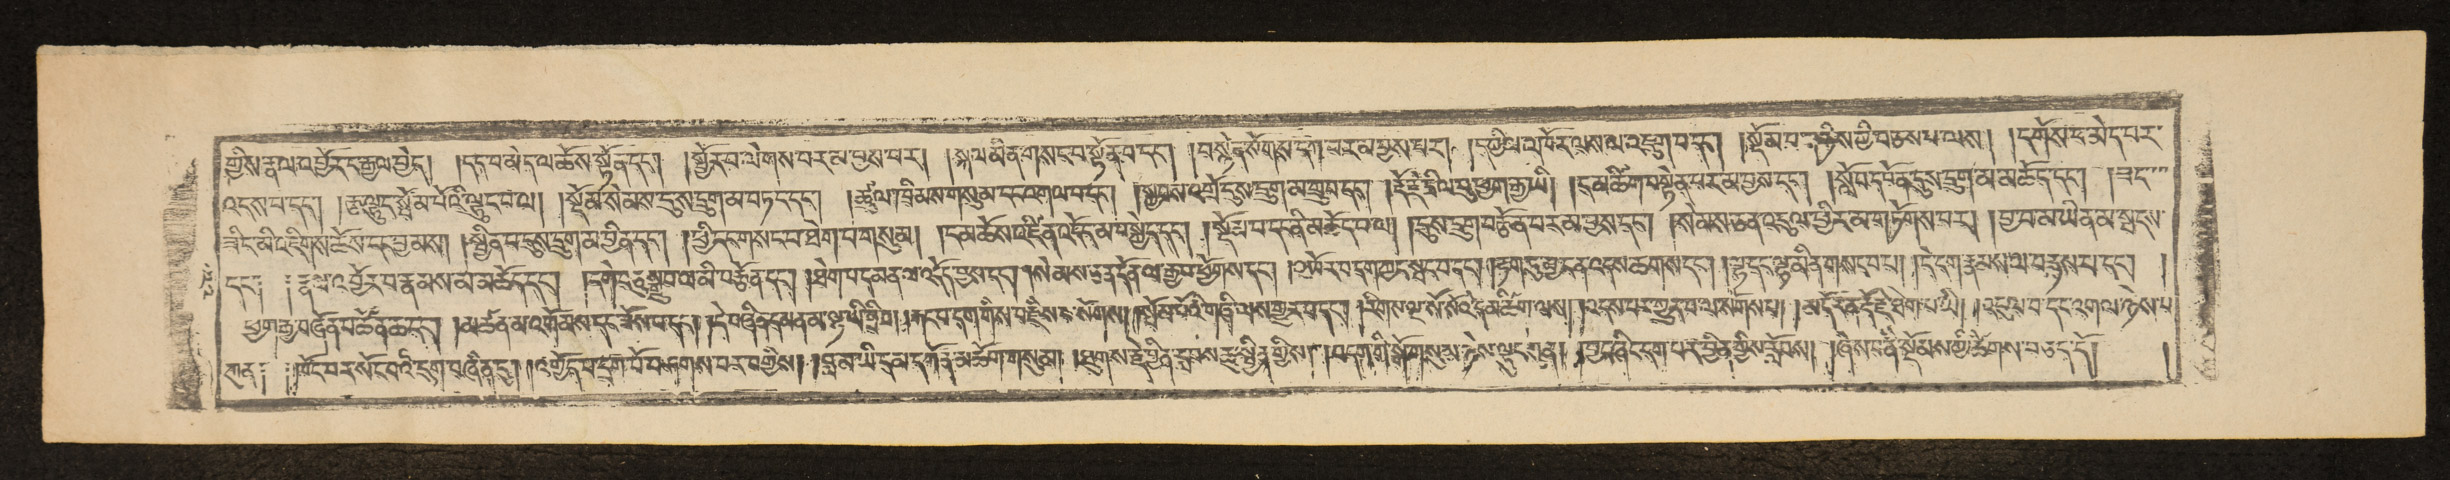གྱིས་རྣལ་འབྱོར་ང་རྒྱལ་བྱེད། །དད་པ་མེད་ལ་ཆོས་སྟོན་དང་། །སྦྱོར་བ་ལེགས་པར་མ་བྱས་པར། །སྐལ་མིན་གསང་བ་སྟོན་པ་དང་། །བསྙེན་སོགས་དཀར་པར་མ་བྱས་པར། །དཀྱིལ་འཁོར་ལས་ལ་འཇུག་པ་དང་། །སྡོམ་པ་གཉིས་ཀྱི་བཅས་པ་ལས། །དགོས་པ་མེད་པར་
འདས་པ་དང་། །རྩ་ལྟུང་སྦོམ་པོའི་ལྟུང་བ་ལ། །སྡོམ་སེམས་དུས་དྲུག་མ་བཏང་དང་། །ཚུལ་ཁྲིམས་གསུམ་དང་འགལ་བ་དང་། །སྐྱབས་འགྲོ་དུས་དྲུག་མ་གྲུབ་དང་། །རྡོ་རྗེ་དྲིལ་བུ་ཕྱག་རྒྱ་ཡི། །དམ་ཚིག་བསྟེན་པར་མ་བྱས་དང་། །སློབ་དཔོན་དུས་དྲུག་མ་མཆོད་དང་། །ཟང་
ཟིང་མི་འཇིགས་ཆོས་དང་བྱམས། །སྦྱིན་པ་དུས་དྲུག་མ་བྱིན་དང་། །ཕྱི་དང་གསང་བ་ཐེག་པ་གསུམ། །དམ་ཆོས་འཛིན་འདོད་མ་བསྐྱེད་དང་། །སྡོམ་པ་དང་ནི་ཆོད་པ་ལ། །དུས་དྲུག་བརྩོན་པར་མ་བྱས་དང་། །སེམས་ཅན་འདུལ་ཕྱིར་མ་གཏོགས་པར། །བྱ་བ་མ་ཡིན་མ་སྤངས་
དང༑ ༑རྣལ་འབྱོར་བ་རྣམས་མཆོད་དང་། །དགེ་བཅུ་སྒྲུབ་ལ་མི་བརྩོན་དང་། །ཐེག་པ་དམན་ལ་འདོད་བྱས་དང་། །སེམས་ཅན་དོན་ལ་རྒྱབ་ཕྱོགས་དང་། །འཁོར་བ་དག་ཀྱང་སྤང་བ་དང་། །རྟག་ཏུ་མྱ་ངན་འདས་ཆགས་དང་། །ལྷ་དང་ལྷ་མིན་གསང་བ་དང་། །དེ་དག་རྣམས་ལ་བརྙས་པ་དང་། །
ཕྱག་རྒྱ་བཞོན་པ་ཚོན་ཆ་དང་། །མཚན་མ་འགོམས་དང་ཟོས་པ་དང་། །དེ་བཞིན་དམན་མ་ལྷ་ཡི་གྲིབ། །རྐང་པ་དག་གིས་བརྫིས་པ་སོགས། །སྦོམ་པོའི་གཞི་ལས་གྱུར་བ་དང་། །རིགས་ལྔ་སོ་སོའི་དམ་ཚིག་ལས། །འདས་པར་གྱུར་བ་ལ་སོགས་དང་། །མདོར་ན་རྡོ་རྗེ་ཐེག་པ་ཡི། །འདུལ་བ་དང་འགལ་ཉེས་པ་
ཀུན༑ ༑ཁོང་བར་སོང་བའི་དུག་བཞིན་དུ། །འགྱོད་པ་དྲག་པོ་བཤགས་པར་བགྱིས། །བླ་མ་ཡི་དམ་དཀོན་མཆོག་གསུམ། །ཐུགས་རྗེ་བྱིན་རླབས་ཆུ་སྦྱིན་གྱིས། །བདག་གི་སྒོ་གསུམ་ཉེས་ལྟུང་ཀུན། །བྱང་ཞིང་དག་པར་བྱིན་གྱིས་རློབས། །ཞེས་པ་ནི་སྡོམས་ཀྱི་ཚིགས་བཅད་དོ། །